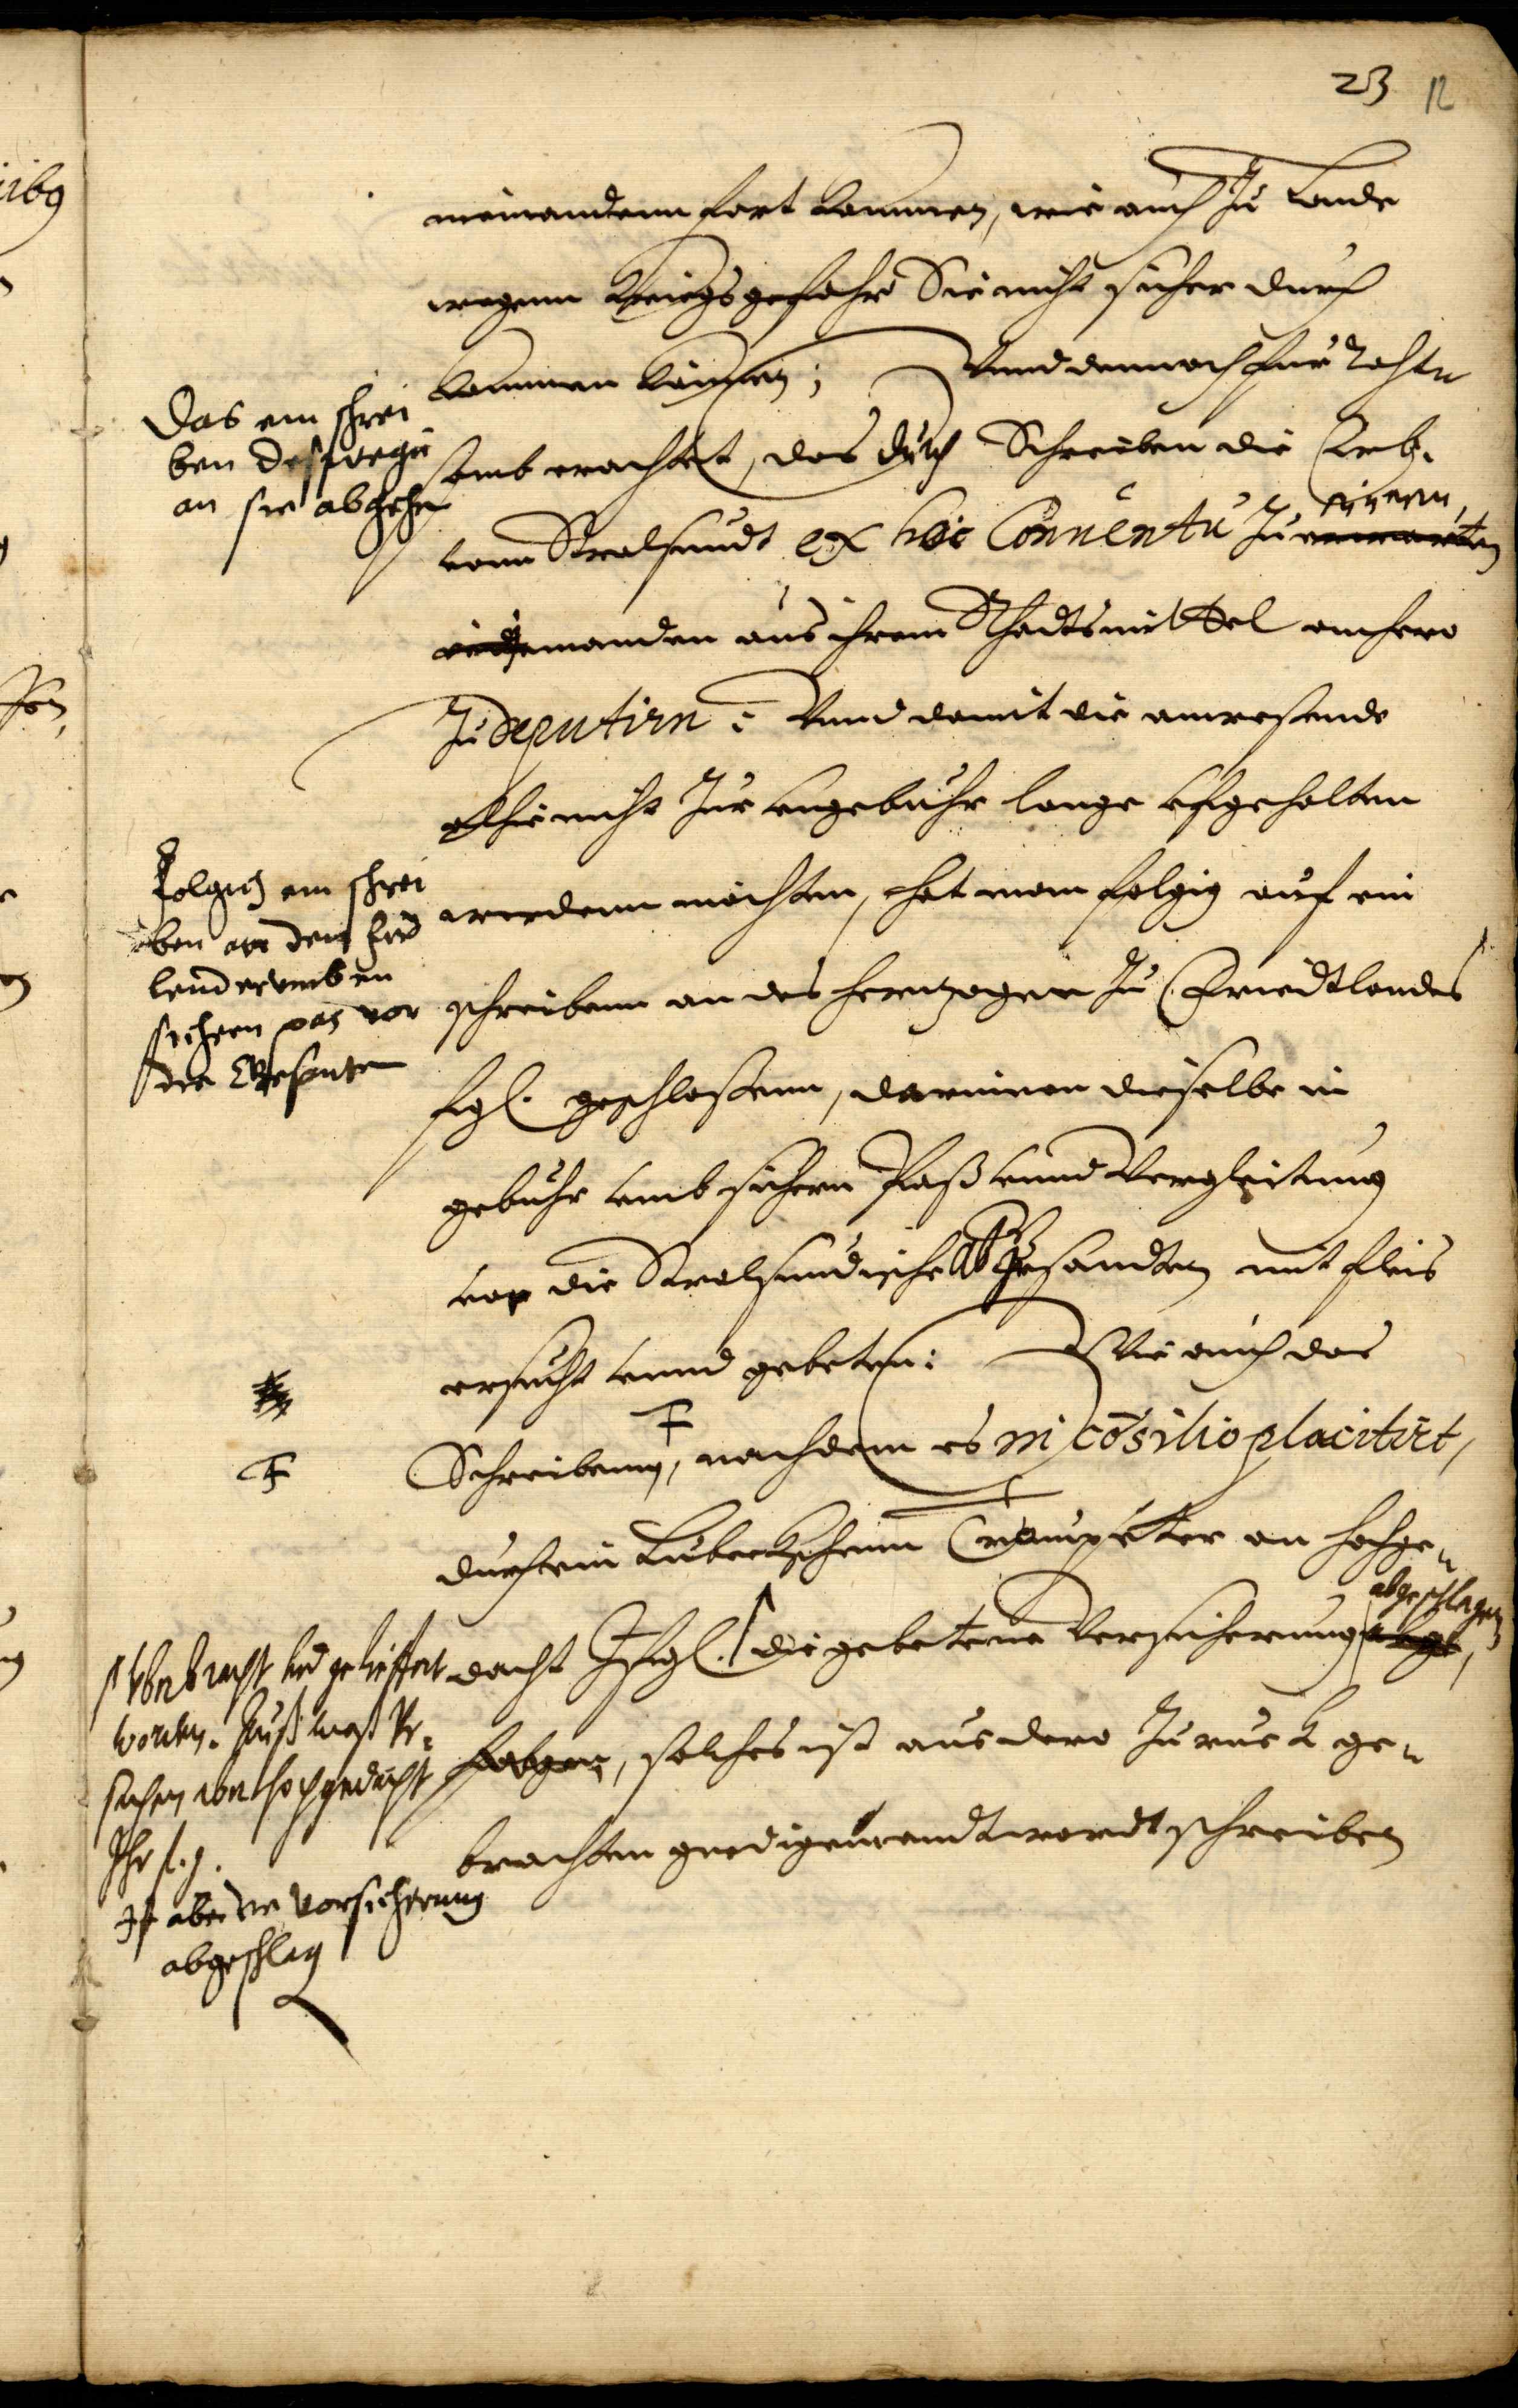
23
niemandenn fort kommen, wie auch zu Lande
wegenn Kriegsgefahr Sie nicht sicher durch
kommen können; Vnnd dennoch fur raht¬
samb erachtet, das durch Schreiben die Erb.
erinnern
vonn Stralsundt ex hoc conuentu zu erinnerten,
vndjemanden aus ihrem Rhadtsmittel anhero
zu deputirn: Vnnd damit die anwesende
alhir nicht zur vngebuhr lange vfgehalten
werdenn möchten, hat man folgig auf ein
schreibenn an des hertzogen zu Friedtlandes
fgl. geschloßenn, darinnen dieselbe in
gebuhr vmb sichern Paß vnnd Vergleitung
vor die Stralsundische abgesandten mit fleis
ersucht vnnd gebeten: Wie auch das
F
Schreiben, nachdem es in consilio placitirt,
durch ein Lubeckischenn Trompeter an hochge¬
abgeschlagen,
dacht Jfgl. | die gebetene Versicherung abge,
fabgen, solches ist aus dero zuruck ge¬
brachten gnedigem andtwordtschreiben
das ein schrei
ben deswegen
an sie abgehn
folgens ein schrei
ben an den frid
lender vmb en
sichern pas vor
die Gesanten
A
F
| vberbracht vnd gebittet
worden. Auß waß Vr¬
sachen ton hochgedacht
Ihr f. g.
Ist aber die Vorsicherung
abgeschlagen
